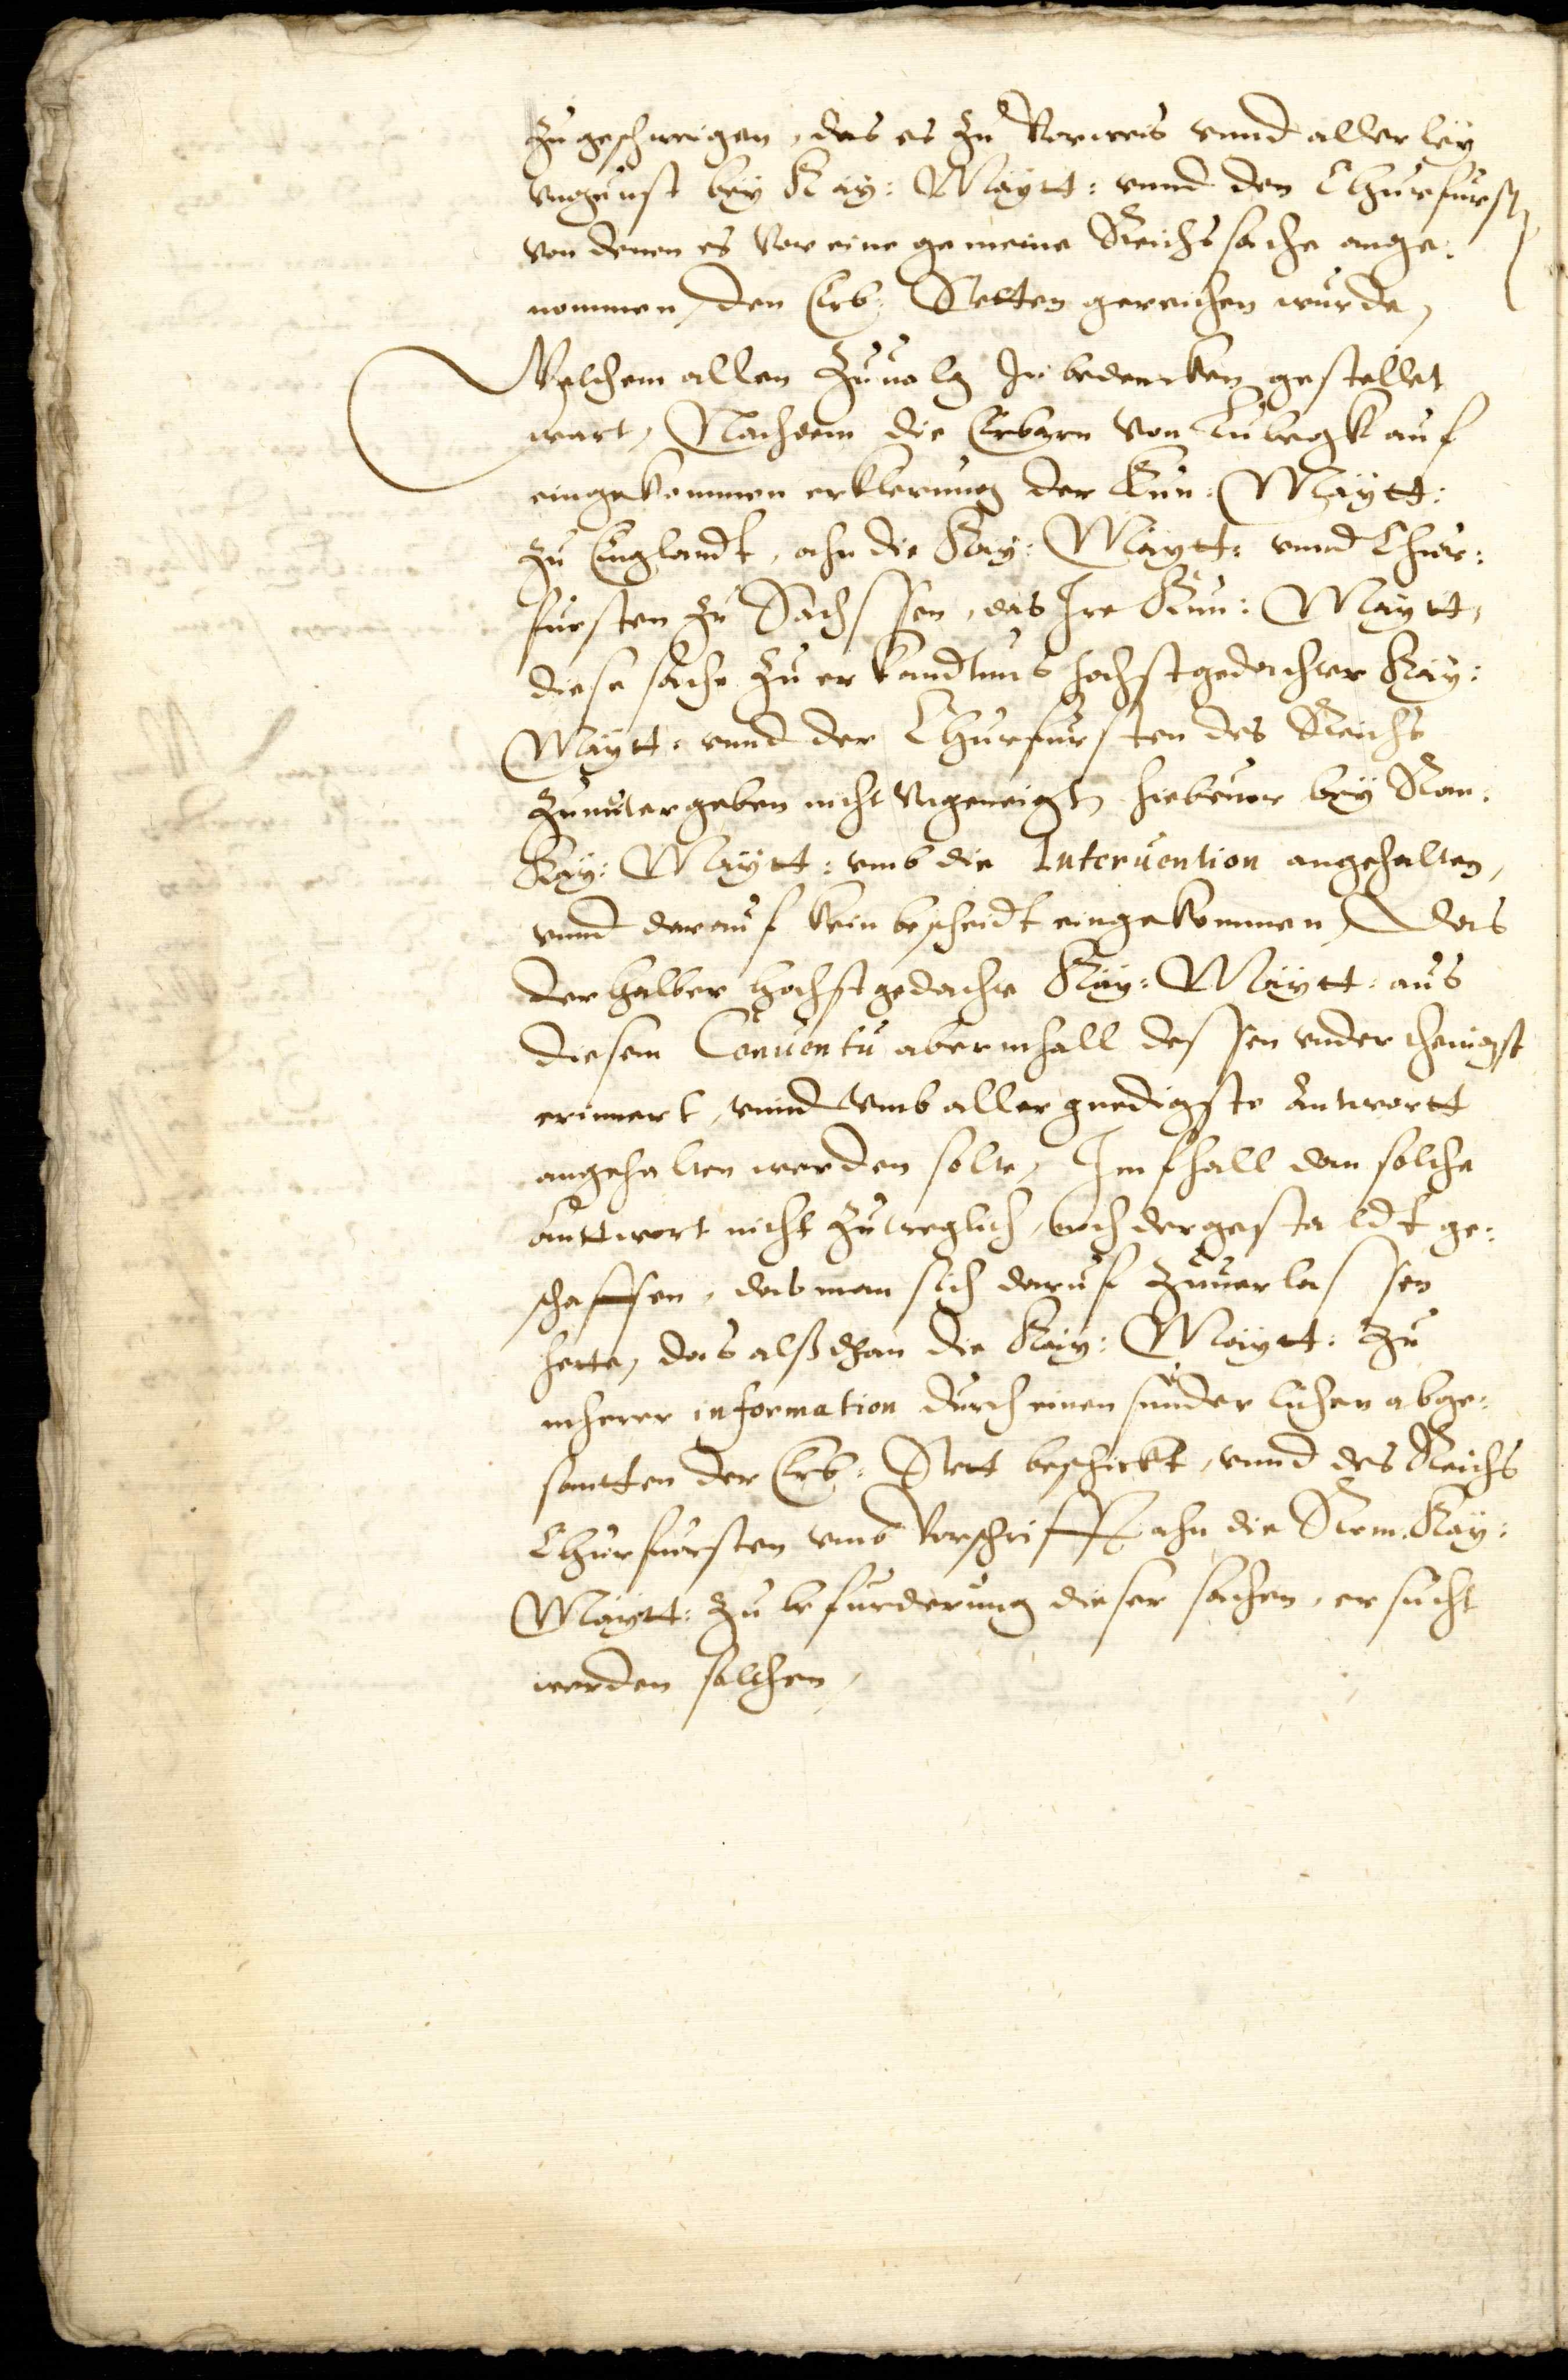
zu geschweigen, das es zu Vorweis vnnd allerleij
vngunst beij Kaij: Maijtt: vnnd den Churfursten,
von denen es vor eine gemeine Reichssache ange¬
nommen, den Erb: Stetten gereichen wurde,
Welchem allen zuuolg Jn bedencken gestellet
wart, Nachdem die Erbarn von Lubegk auf
eingekommen erklerung der Kun: Maijtt:
zu Englandt, ahn die Kaij: Maijtt: vnnd Chur¬
fursten zu Sachssen, das Jre Kun: Maijtt:
diese sache zu erkandtnus hochstgedachter Kaij:
Maijtt: vnnd der Churfursten des Reichs
zu untergeben nicht vngeneigt, hiebeuor beij Rom:
Kaij: Maijtt: vmb die Interuention angehalten,
vnnd darauf kein bescheidt eingekommen, das
derhalber hochstgedachte Kaij: Maijtt: aus
diesem Conuentu abermhall dessen vnder thenigst
erinnert, vnnd vmb aller gnedigste Antwortt
angehalten werden solte, Jm fhall dan solche
Anttwort nicht zutreglich, noch dergestaldt ge¬
schaffen, das man sich daruf zuuerlassen
hette, das alßdhan die Kaij: Maijtt: zu
mherer information durch einen sunderlichen abge¬
santten der Erb: Stett beschickt, vnnd des Reichs
Churfursten vmb Vorschrifft ahn die Rom: Kaij:
Maijtt: zu befurderung dieser sachen, ersucht
werden solthen,
